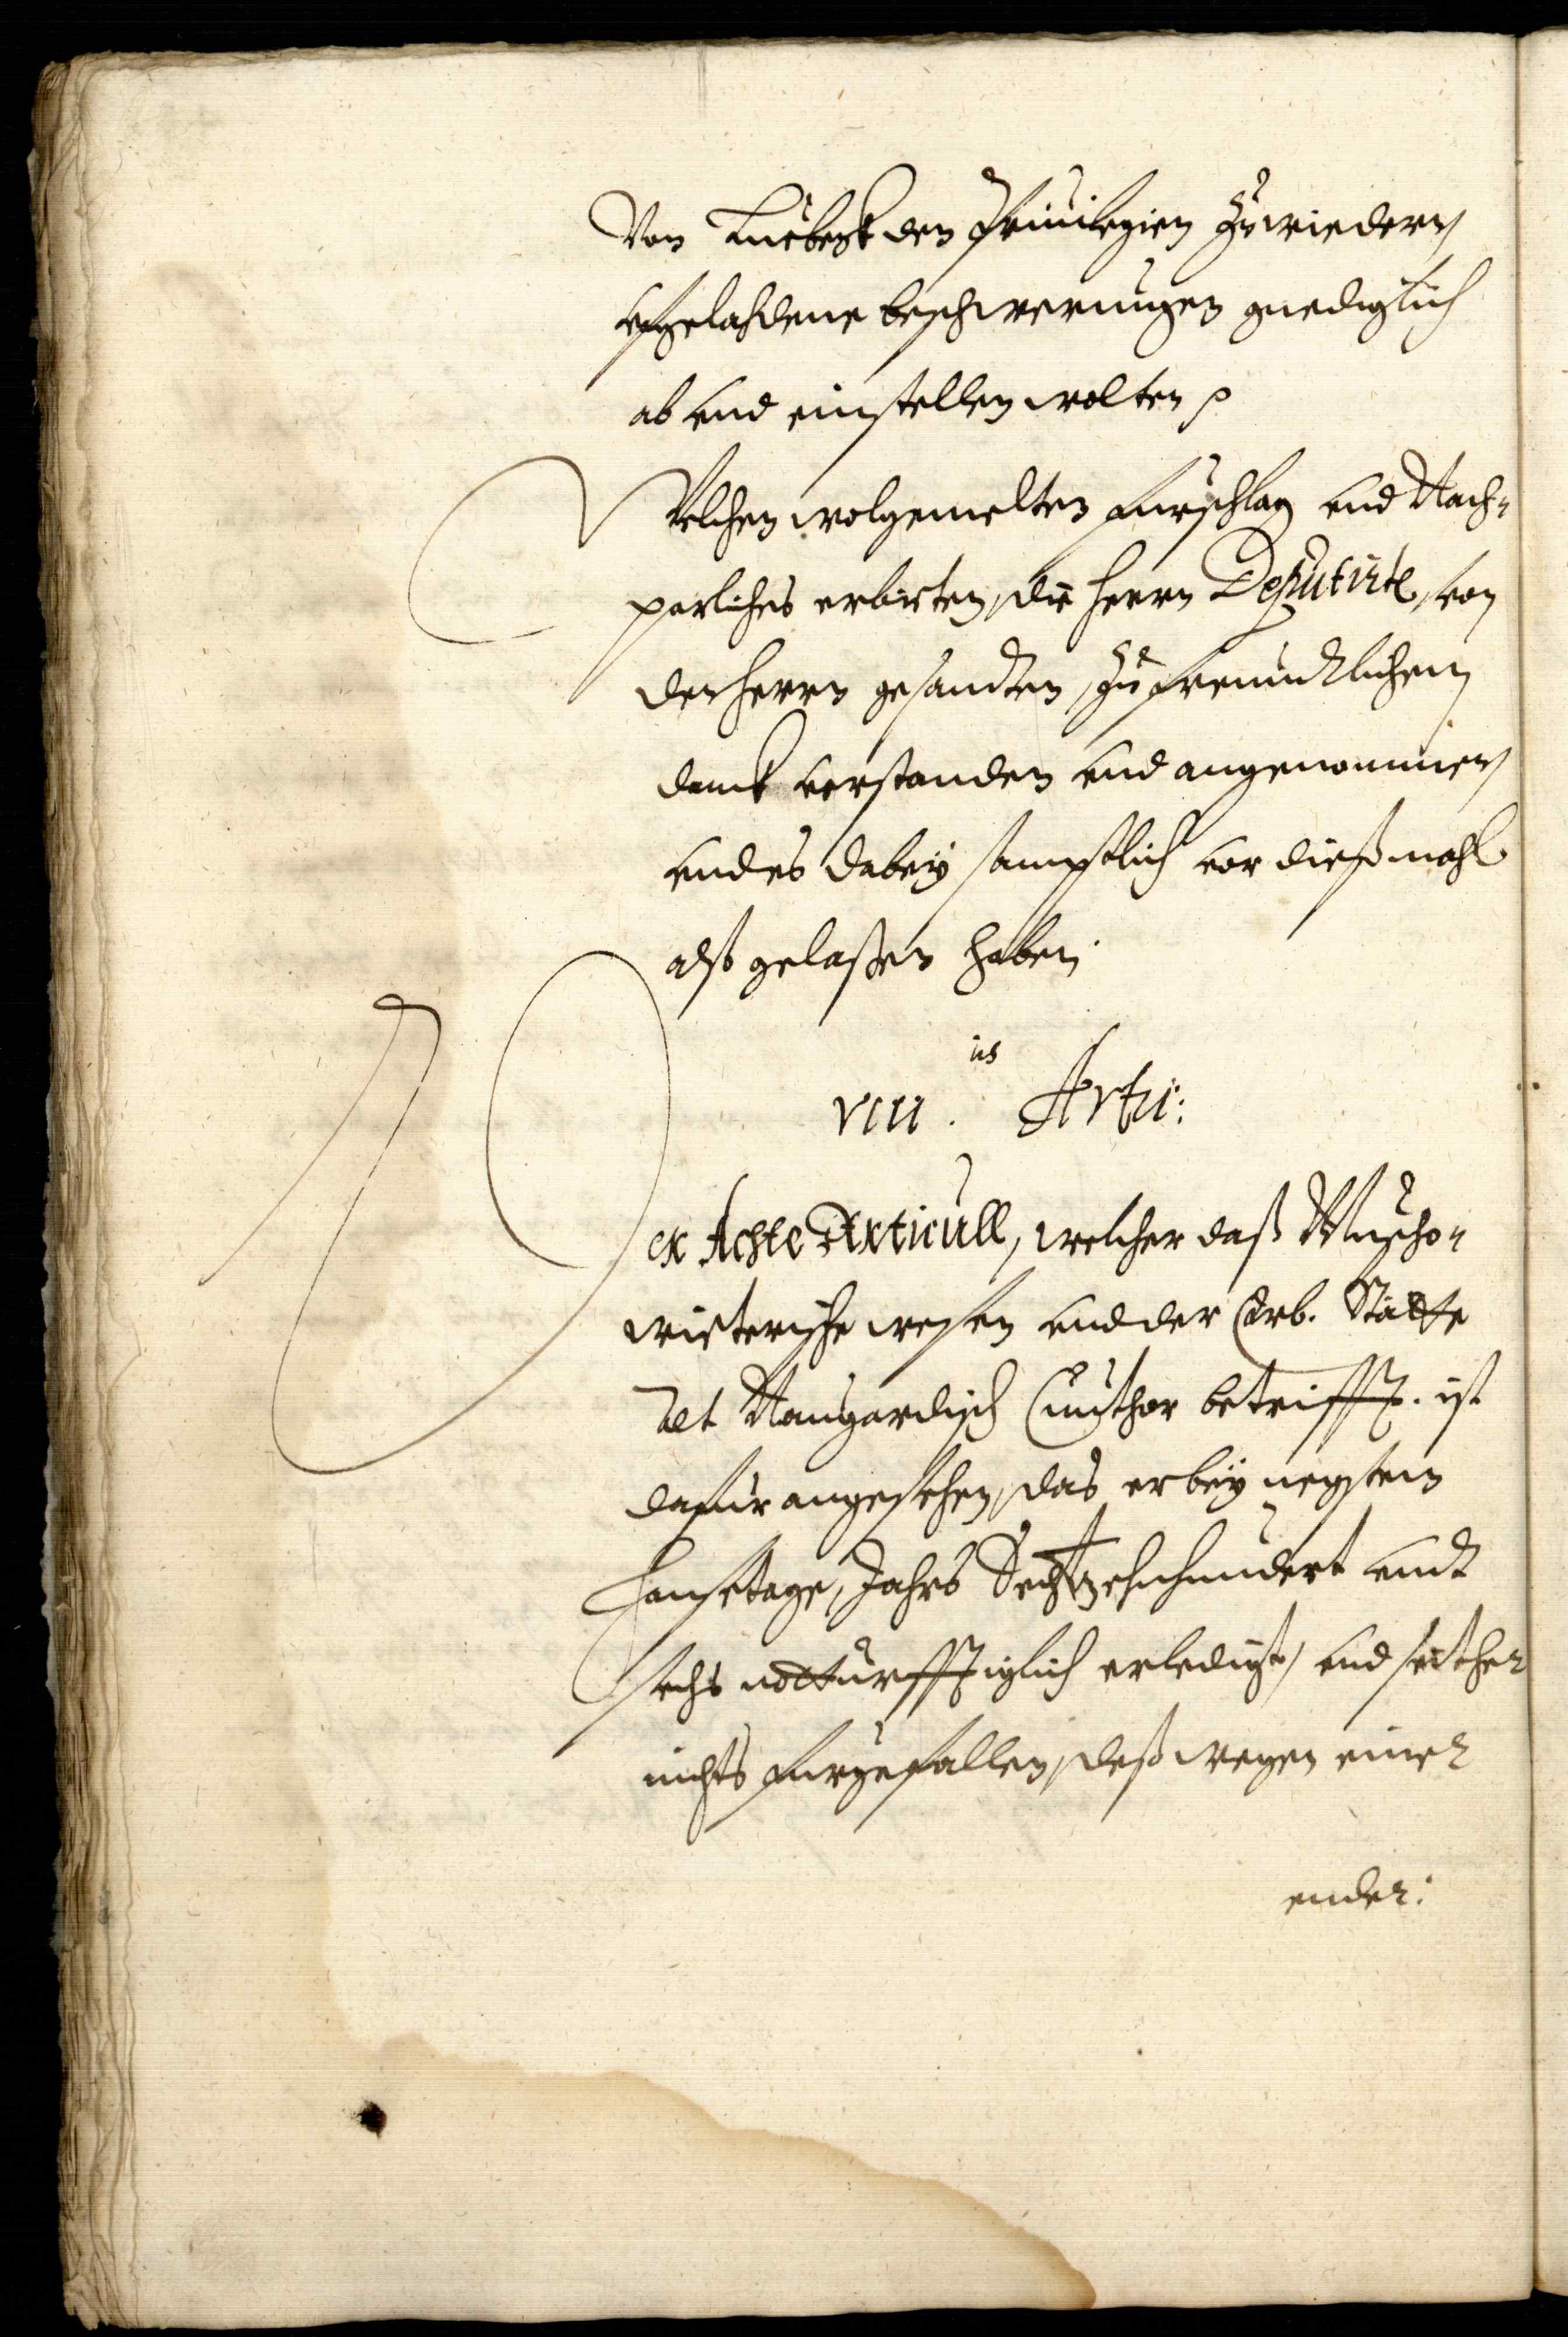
von Lubegk den Privilegien zuerwiedern
vfgelahdene beschwerungen gnediglich
ab vnd einstellen wolten p.
Welchen wolgemelten furschlag vnd Nach¬
parliches erbieten die herrn Deputirte, von
den herrn gesandten, zu freundlichem
danck verstanden vnd angenommen
vndes dabeij samptlich vor diesmahl
also gelaßen haben.
us
viii. Artic:
Der Achte Articull, welcher daß Muscho¬
wieterische wesen vnd der Erb. Stätte
Alt Naugardische Cunthor betrifft. ist
dafur angesehen, daß erbeij negsten
hansetage, Jahrs Sechszehnhundert vnd
sechs notturfftiglich erledigt, vnd seither
nichts furgefallen, deßwegen einer
ender:
